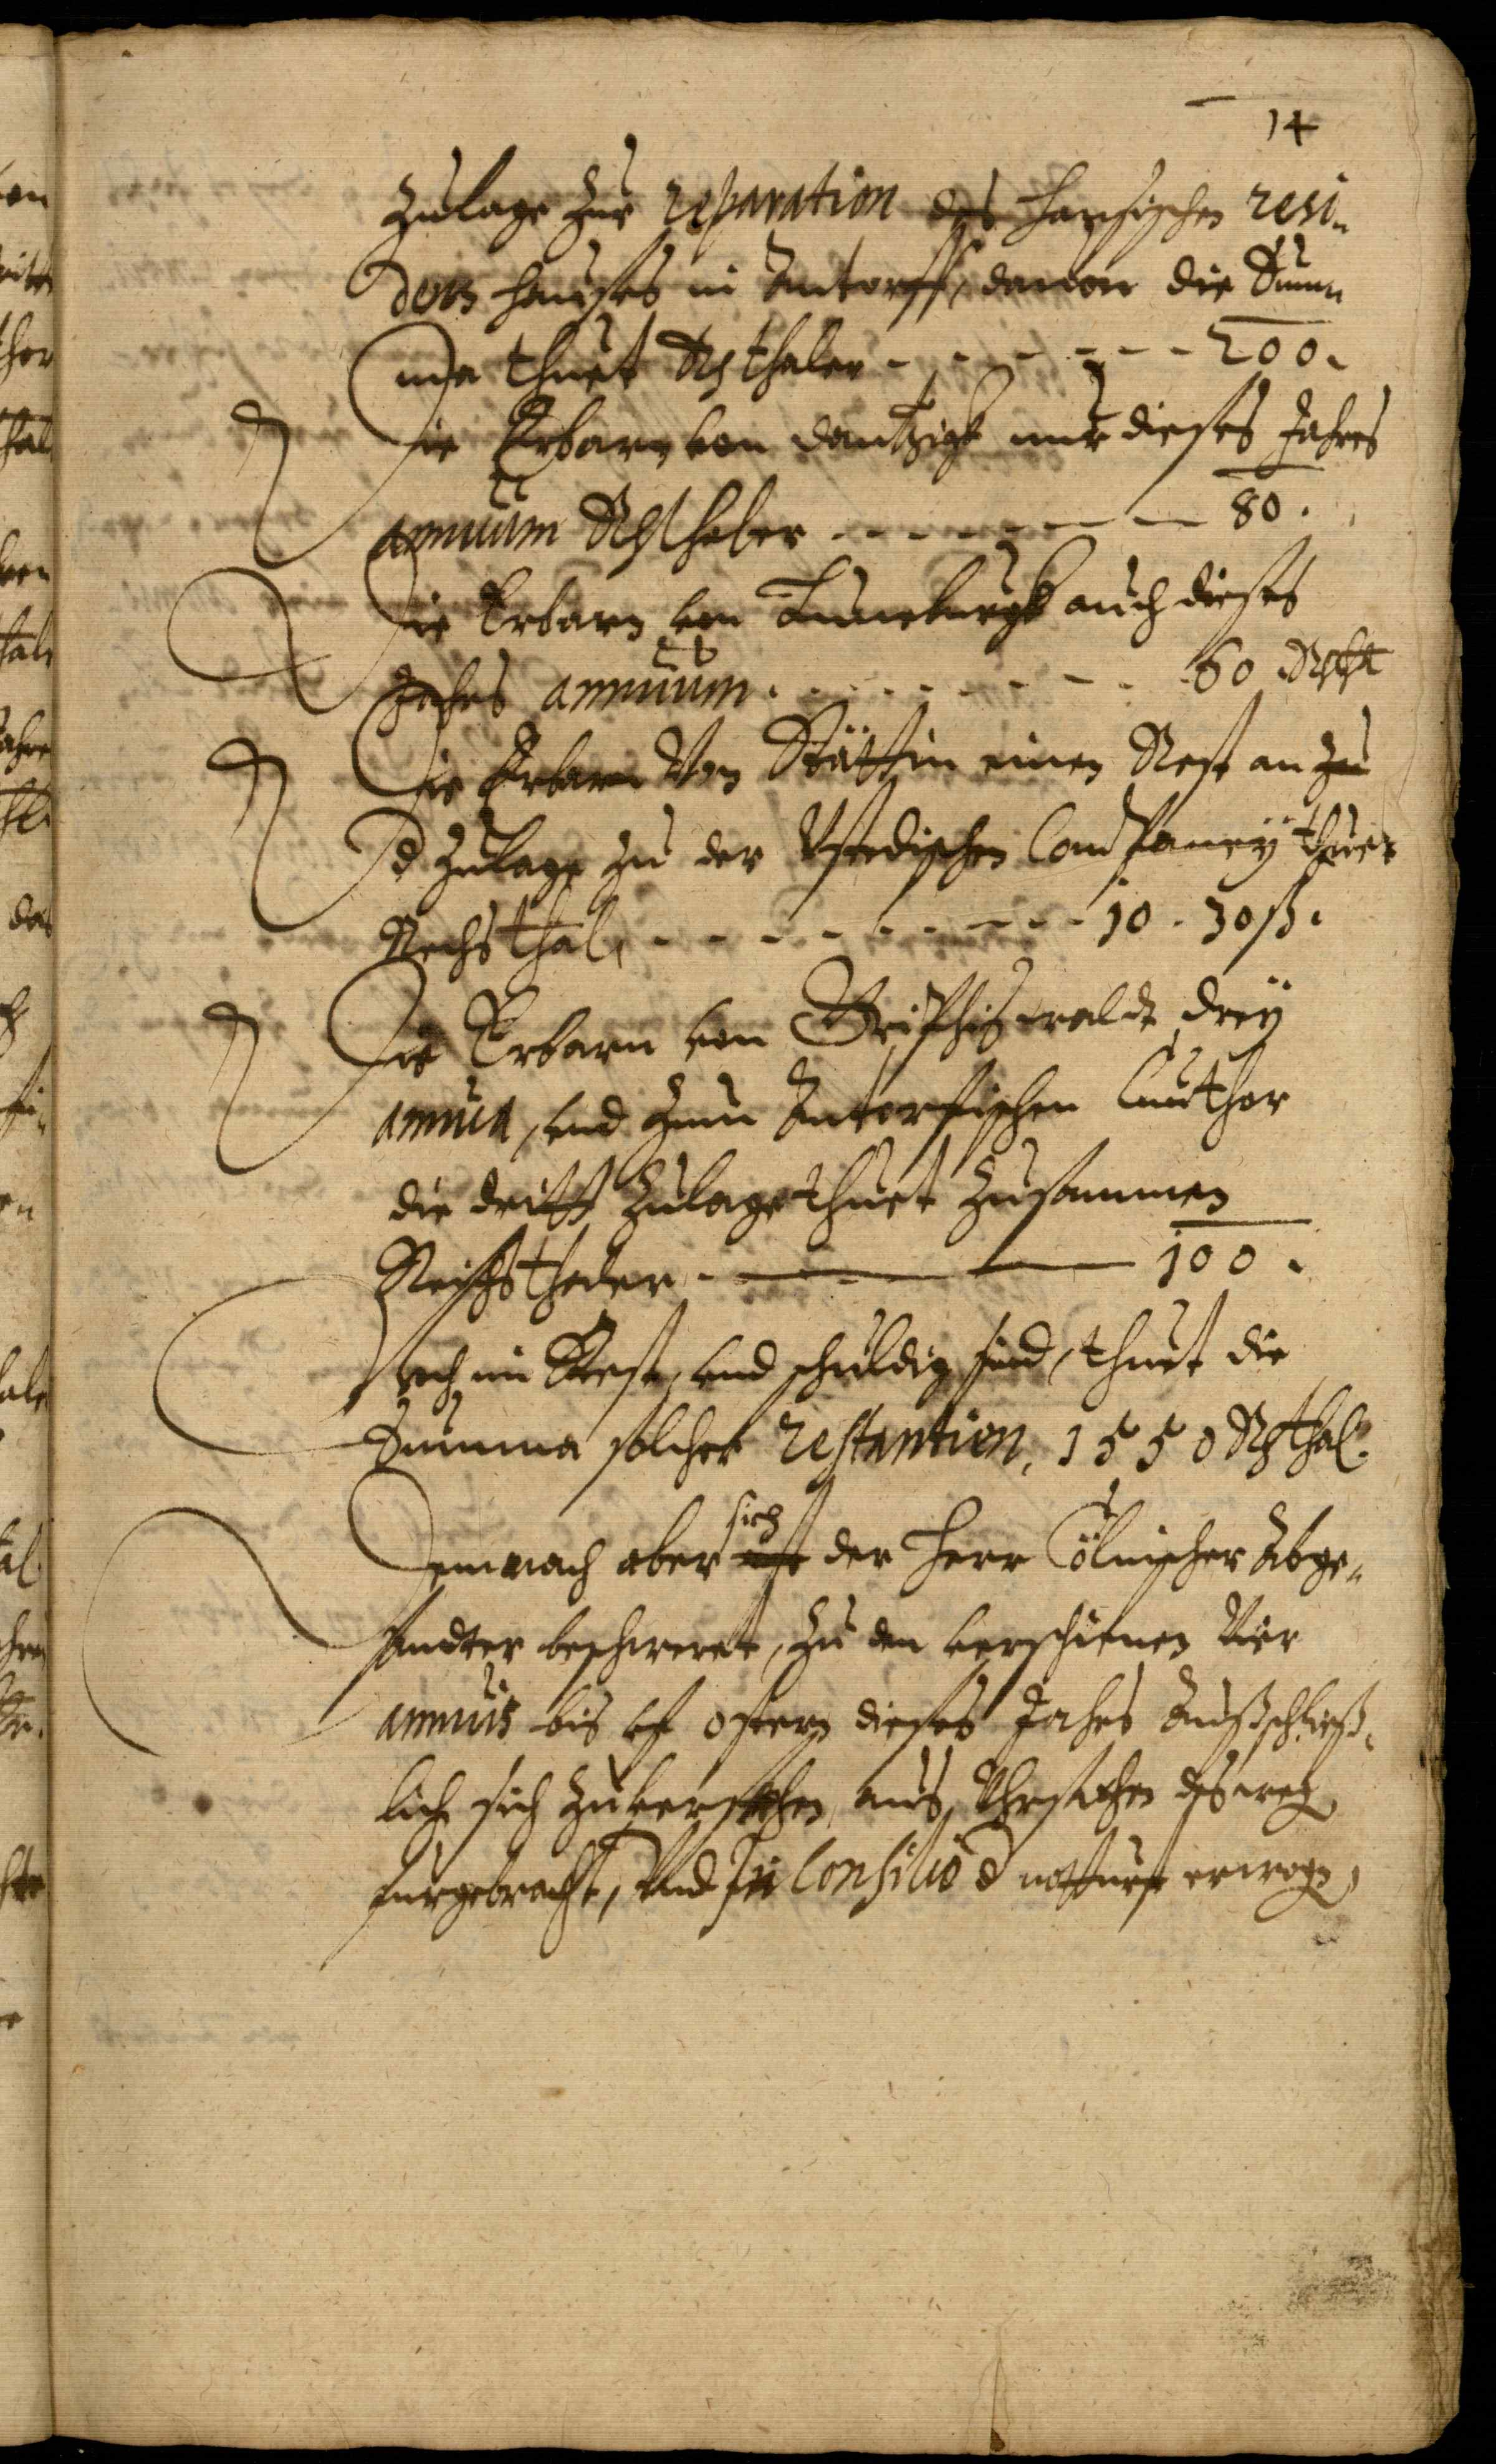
14
zulage zur reparation des hansischen resi¬
dens hauses in Antorff, dauon die Sum¬
ma thut Rhthaler _ 200.
Die Erbarn von dantzigk nur dieses Jahres
annuum Rhthaler _ 80.
Die Erbarn von Luneburgk auch dieses
Jahres annuum _ 60 Reichsthaler
Die Erbarn von Stettin einen Rest an zu
der zulage zu der Vstedischen Companeij thuet
Reichsthaler, _ 10. 30ß.
Die Erbarn von Griphiswaldt dreij
annuum, vnd zum antorfischen Cunthor
die dritt zulage thuet zusammen
Reichsthaler _ 100.
Noch im Reste vnd schuldig sind, thuet die
Summa solcher restantien, 1550 Rhthal.
Demnach aber sich vf der herr Cölnischer Abge¬
sandter beschweret zu den verschienen vier
annuis bis vf ostern dieses Jahres außschließ¬
lich sich zu verstehen aus Vhrsachen deswegen
furgebracht, vnd In Consilio der notturft erwogen
